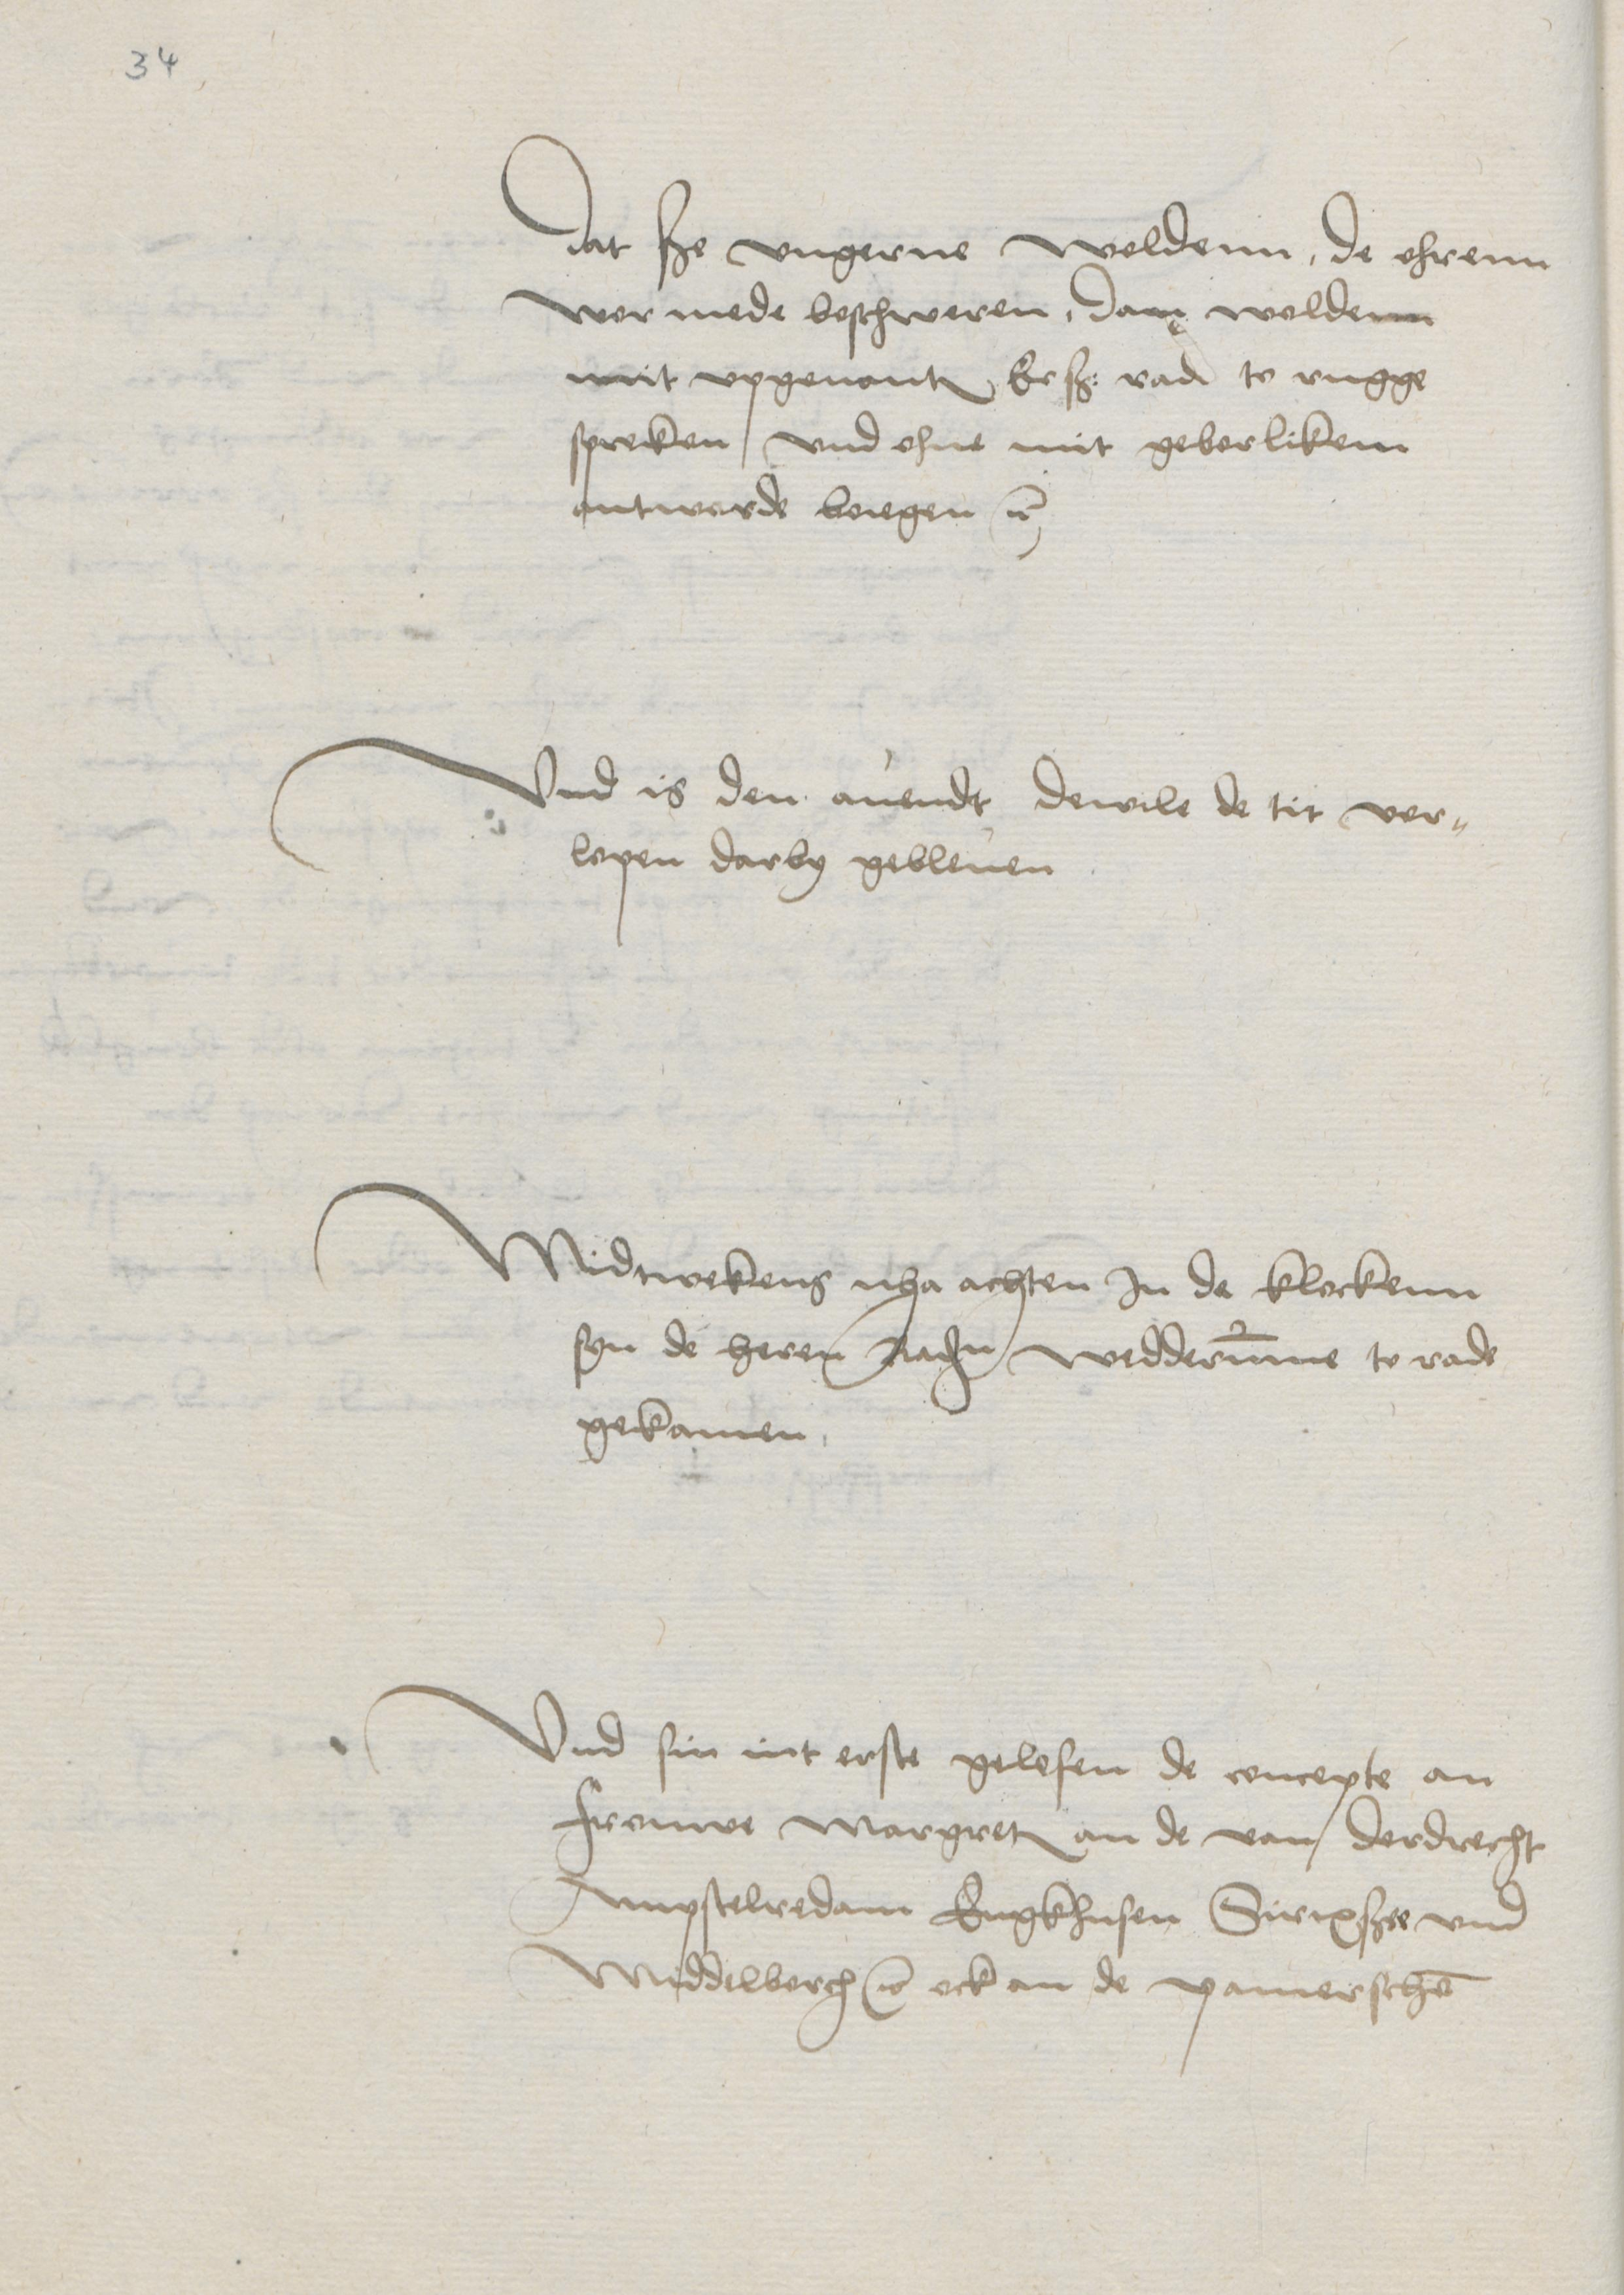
dat ße vngerne woldenn, de ehrenn
wor mede beschweren, dan woldenn
mit vpgenanten Erß: rad to rugge
spreken vnd ohne mit geberlikem
antworde boiegen etc
Vnd is den auendt dewile de tit ver¬
lopen darby gebleuen.
Midtwekens nha achten jn de klockenn
syn de heren Radessendeboden wedderumme to rade
gekamen,
Vnd sin int erste gelesen de concepte an
Frouwe Margreten an de van dordrecht
Ampstelredam Engkhusen Sircxßee vnd
Middelborch etc ock an de pamerschen
